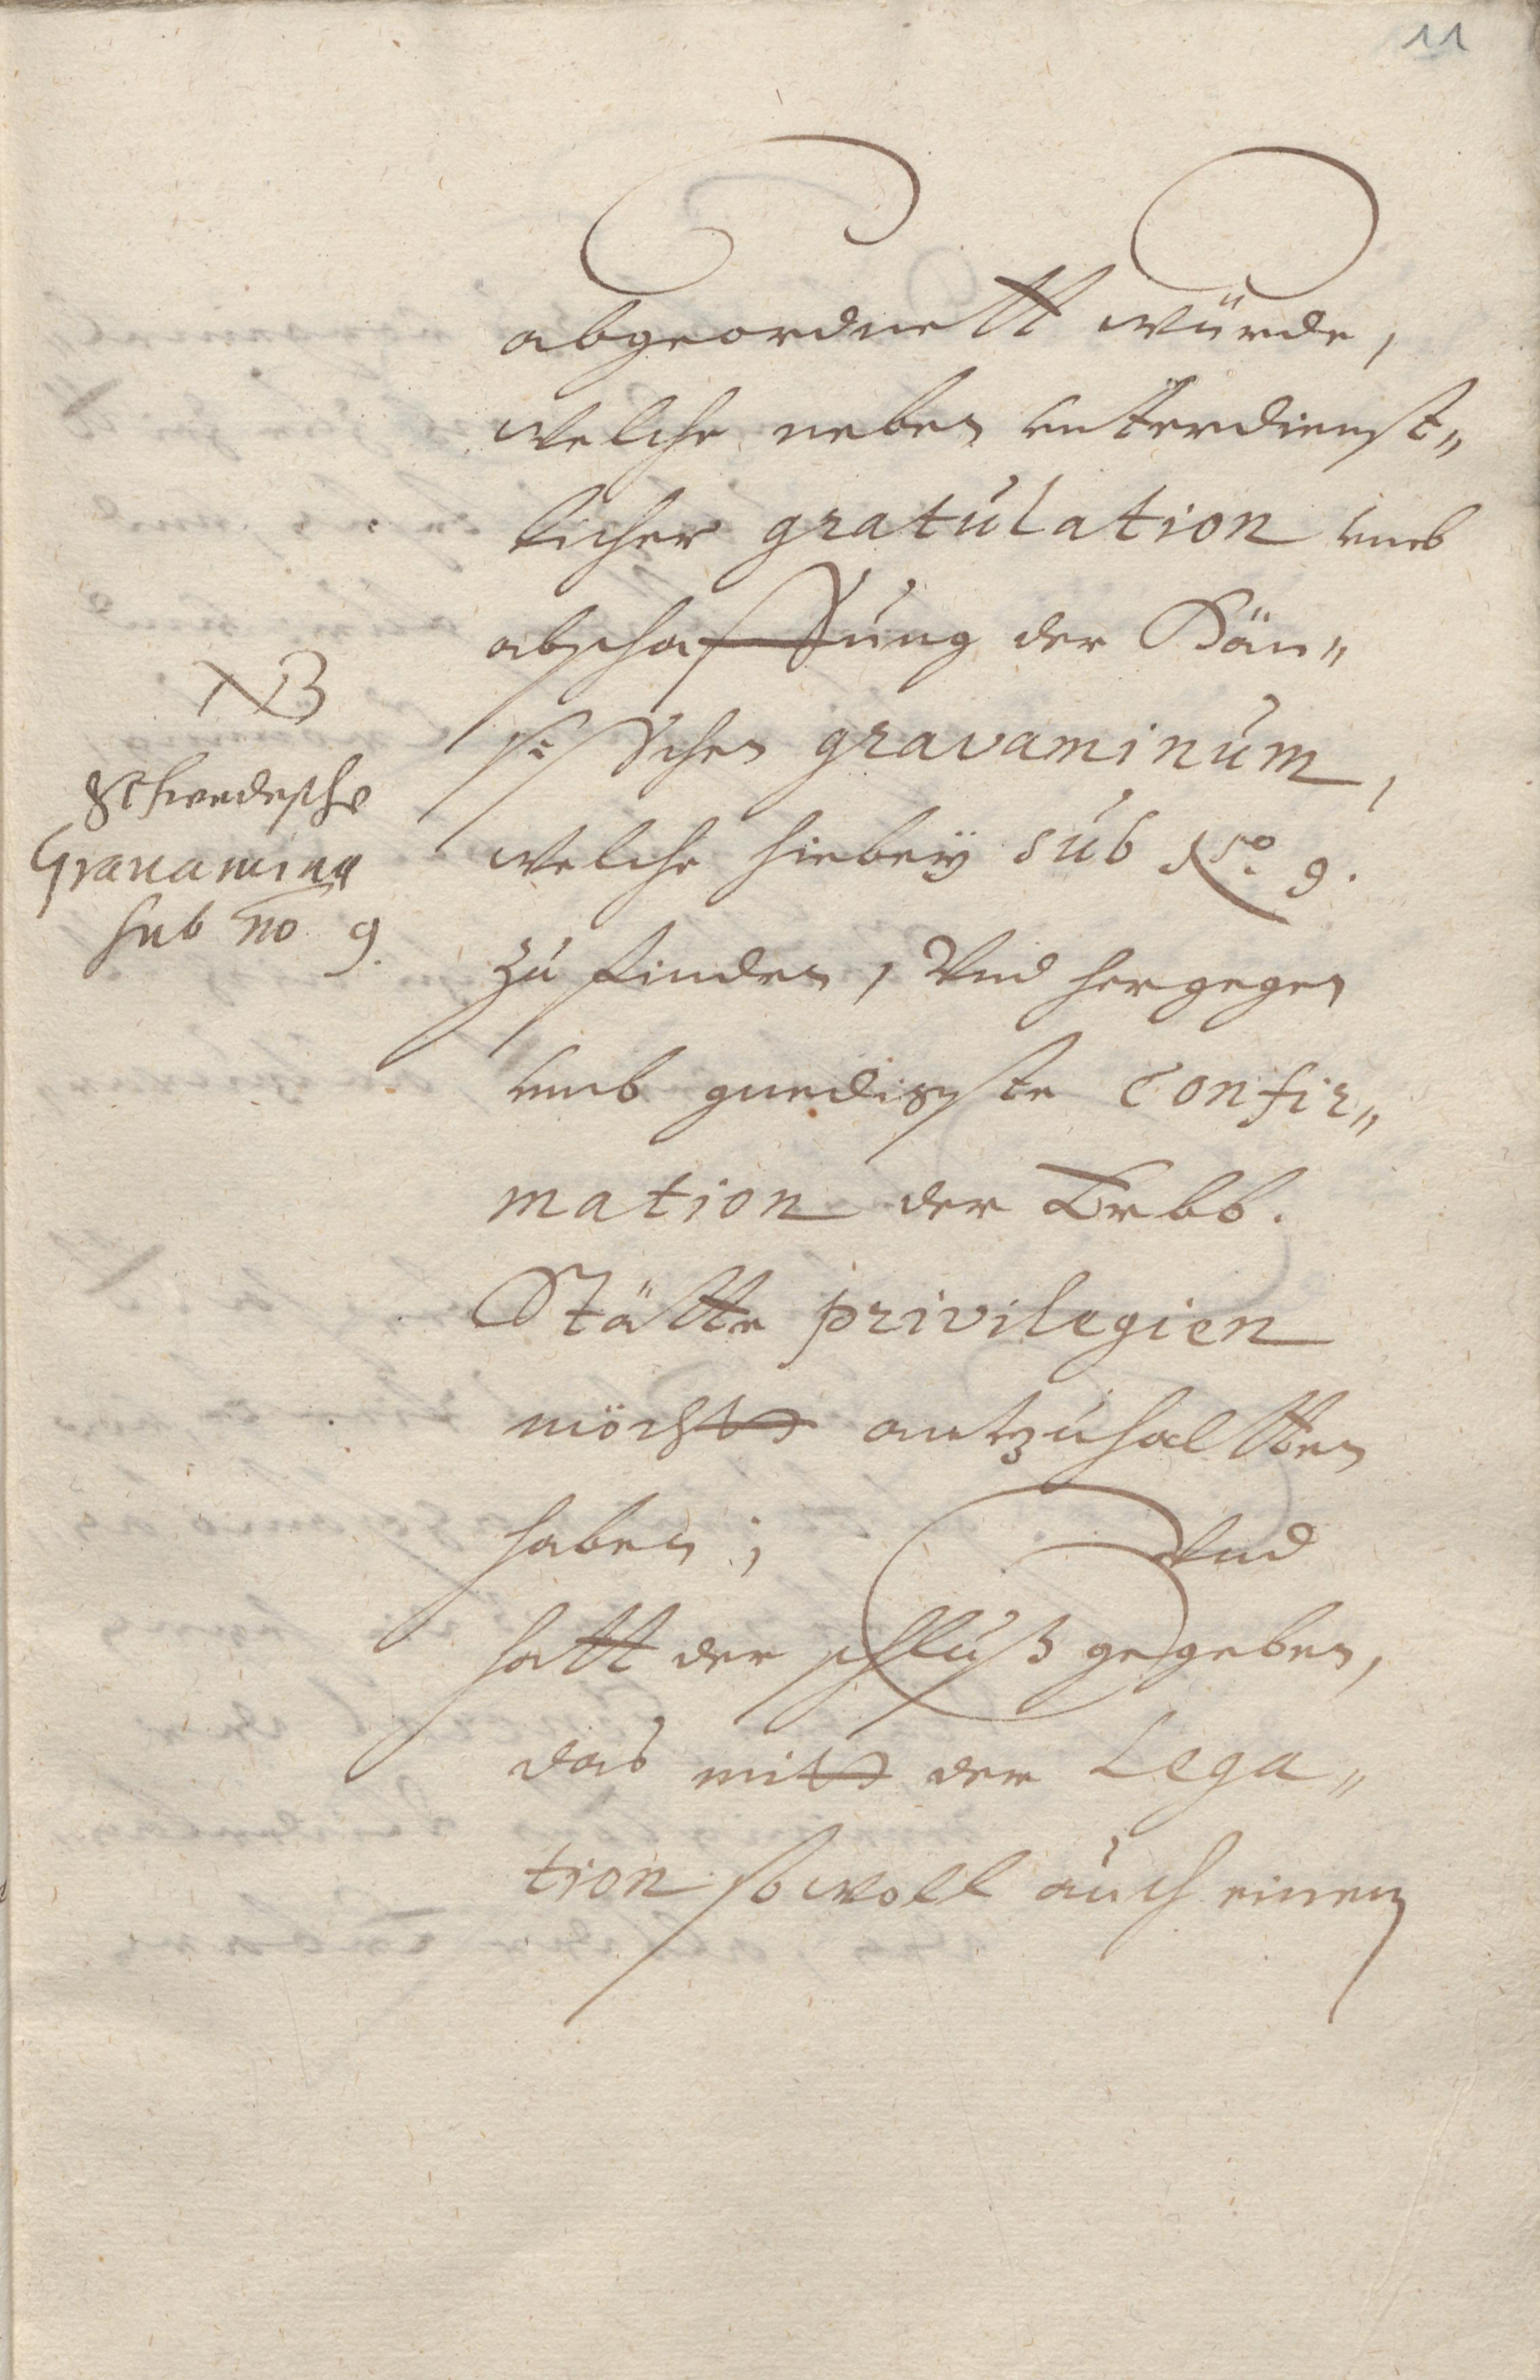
abgeordnett würde,
welche neben vnterdienst¬
licher gratulation vmb
abschaffung der Hän¬
sischen gravaminum,
welche hiebeij sub No. 9.
zu finden, vnd hergegen
vmb gnedigste confir¬
mation der Erbb.
Stätte privilegien
möchtt antzuhaltten,
haben, Vnd
hatt der schluß gegeben,
das mitt der Lega¬
tion so woll auch einen
NB
Schwedische
Grauamina
sub no 9
